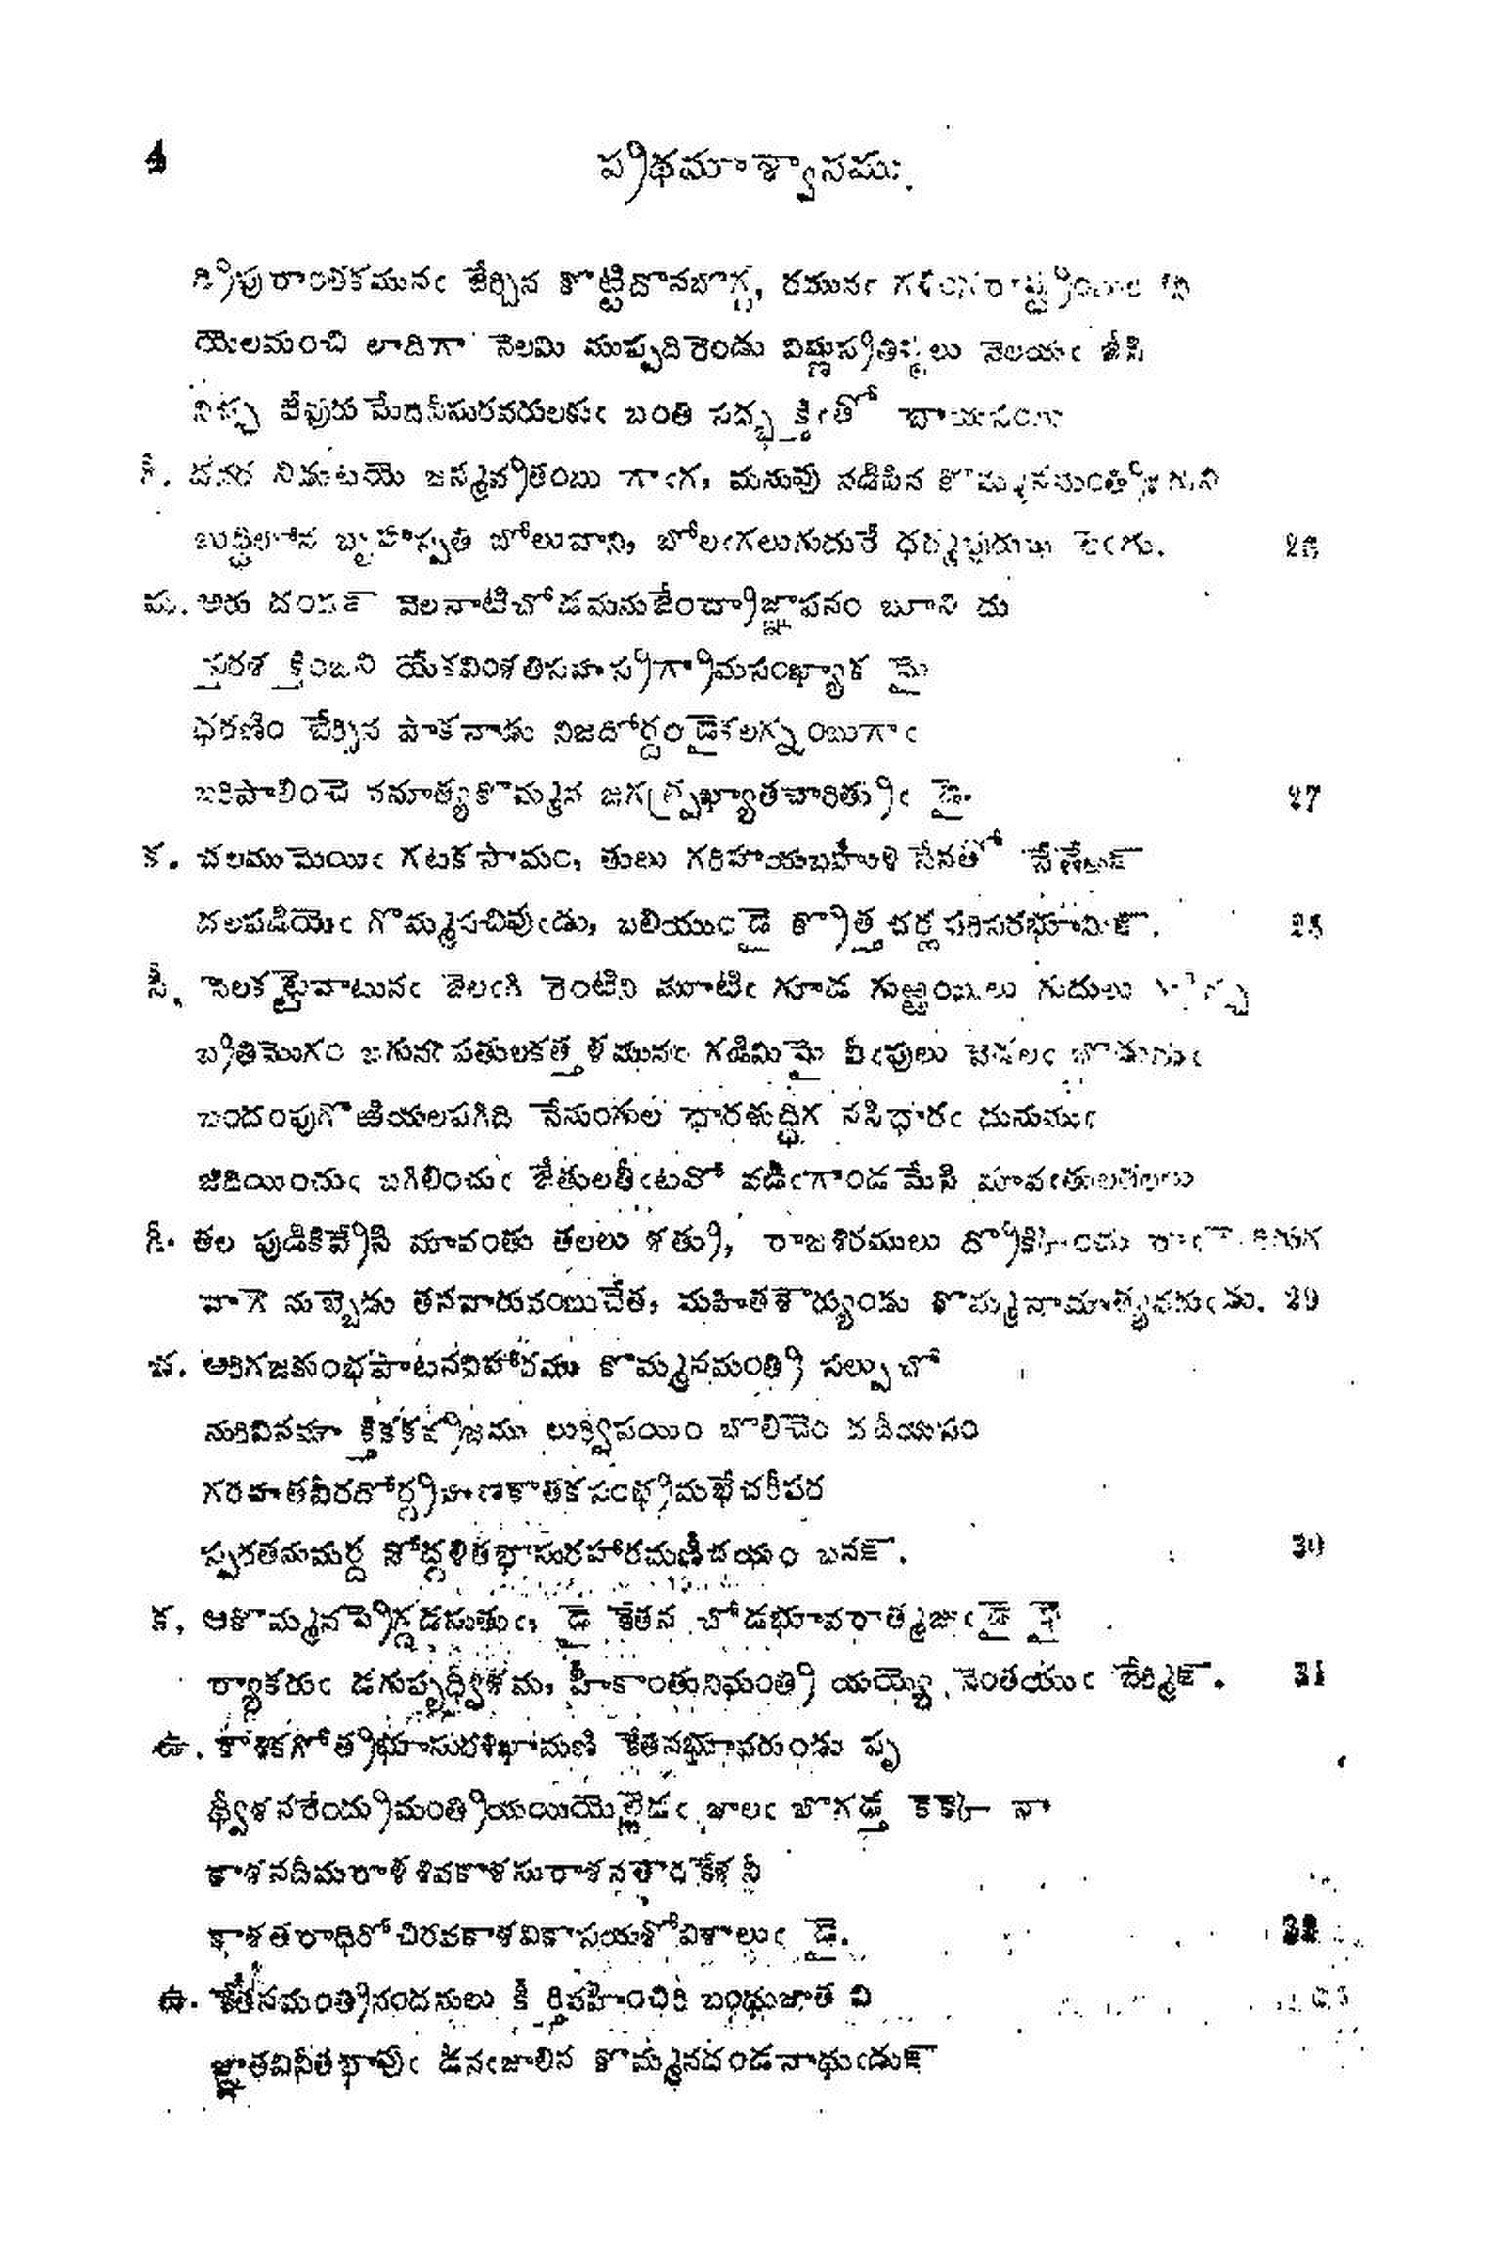ద్రిపురాంతకమునఁ జేర్చిన కొట్టిదొనబొగ్గద, రమునఁ గళింగరాష్ట్రంబులోని
 యెలమంచి లాదిగా నెలమి ముప్పదిరెండు విష్ణుప్రతిష్ఠలు వెలయఁజేసి
 నిచ్చ వేవురుమేదినీసురవరులకు, బంతి సద్భక్తితోఁ బాయసంబు
గీ. దనర నిడుటయె జన్మవ్రతంబు గాఁగ, మనువు నడిపిన కొమ్మనమంత్రివరుని
 బుద్ధిలోన బృహస్పతి బోలువాని, బోలఁగలుగుదురే ధర్మపురుషు లెందు.
మ. అరు దందన్ వెలనాటిచోడమనుజేంద్రాజ్ఞాపనం బూని దు
 స్తరశక్తింజని యేకవింశతిసహస్రగ్రామసంఖ్యాక మై
 ధరణిం చేర్పిన పాకనాడు నిజదోర్దండైకలగ్నంబుగాఁ
 బరిపాలించె నమాత్యకొమ్మన జగత్ప్రఖ్యాతచారిత్రుఁడై.
క. చలముమెయిఁ గటకసామం, తులు గరిహయబహుళ సేనతో నేతేఱన్
 దలపడియెఁ గొమ్మసచివుఁడు, బలియుండై క్రొత్తచర్లపరిసరభూమిన్.
సీ. సెలకట్టెవాటునఁ జెలఁగి రెంటిని మూటిఁ గూడ గుఱ్ఱంబులు గుదులు పరచఁ
 బ్రతిమొగం బగునరపతులకత్తళమునఁ గడిమిమై వీఁపులు వెడలఁ బొడుచుఁ
 బందంపుగొఱియలపగిది నేనుంగుల ధారశుద్ధిగ నసిధారఁ దునుముఁ
 జిదియించుఁ బగిలించుఁ జేతులతీఁటవో వడిఁగాండ మేసి మావఁతులతలలు
గీ. తల పుడికివ్రేసి మావంతు తలలు శత్రు, రాజశిరములు ద్రొక్కించు రాఁడెదిరుగ
 వాగె నుబ్బెడు తనవారువంబుచేత, మహితశౌర్యుండు కొమ్మనామాత్యవరుఁడు.
చ. అరిగజకుంభపాటనవిహారము కొమ్మనమంత్రి సల్పుచో
 నురివినమౌక్తికవ్రజము లుర్విపయిం బొలిచెం దదీయసం
 గరహతవీరదోర్గ్రహణకారకసంభ్రమఖేచరీపర
 స్పరతనుమర్దనోద్గళిళభాసురహారమణీచయం బనన్.
క. ఆకొమ్మనప్రెగ్గడసుతుఁ, డై కేతన చోడభూవరాత్మజుఁడై ధై
 ర్యాకరుఁ డగుపృథ్వీశమ, హీకాంతునిమంత్రి యయ్యె నెంతయుఁ బేర్మిన్.
ఉ. కౌశికగోత్రభూసురళిఖామణి కేతనభూవరుండు పృ
 థ్వీశనరేంద్రుమంత్రి యయి యెల్లెడఁ జాలఁ బొగడ్త కెక్కె నా
 కాశనదీమరాళశివకాశసురాశనతారకేశ నీ
 కాశతరాధిరోచిరవకాశవికాసయశోవిశాలుఁడై.
ఉ. కేతనమంత్రినందనులు కీ ర్తివహించిరి బంధుజాత వి
 జ్ఞాతవినీతభావుఁ డనఁజాలిన కొమ్మనదండనాథుఁడున్